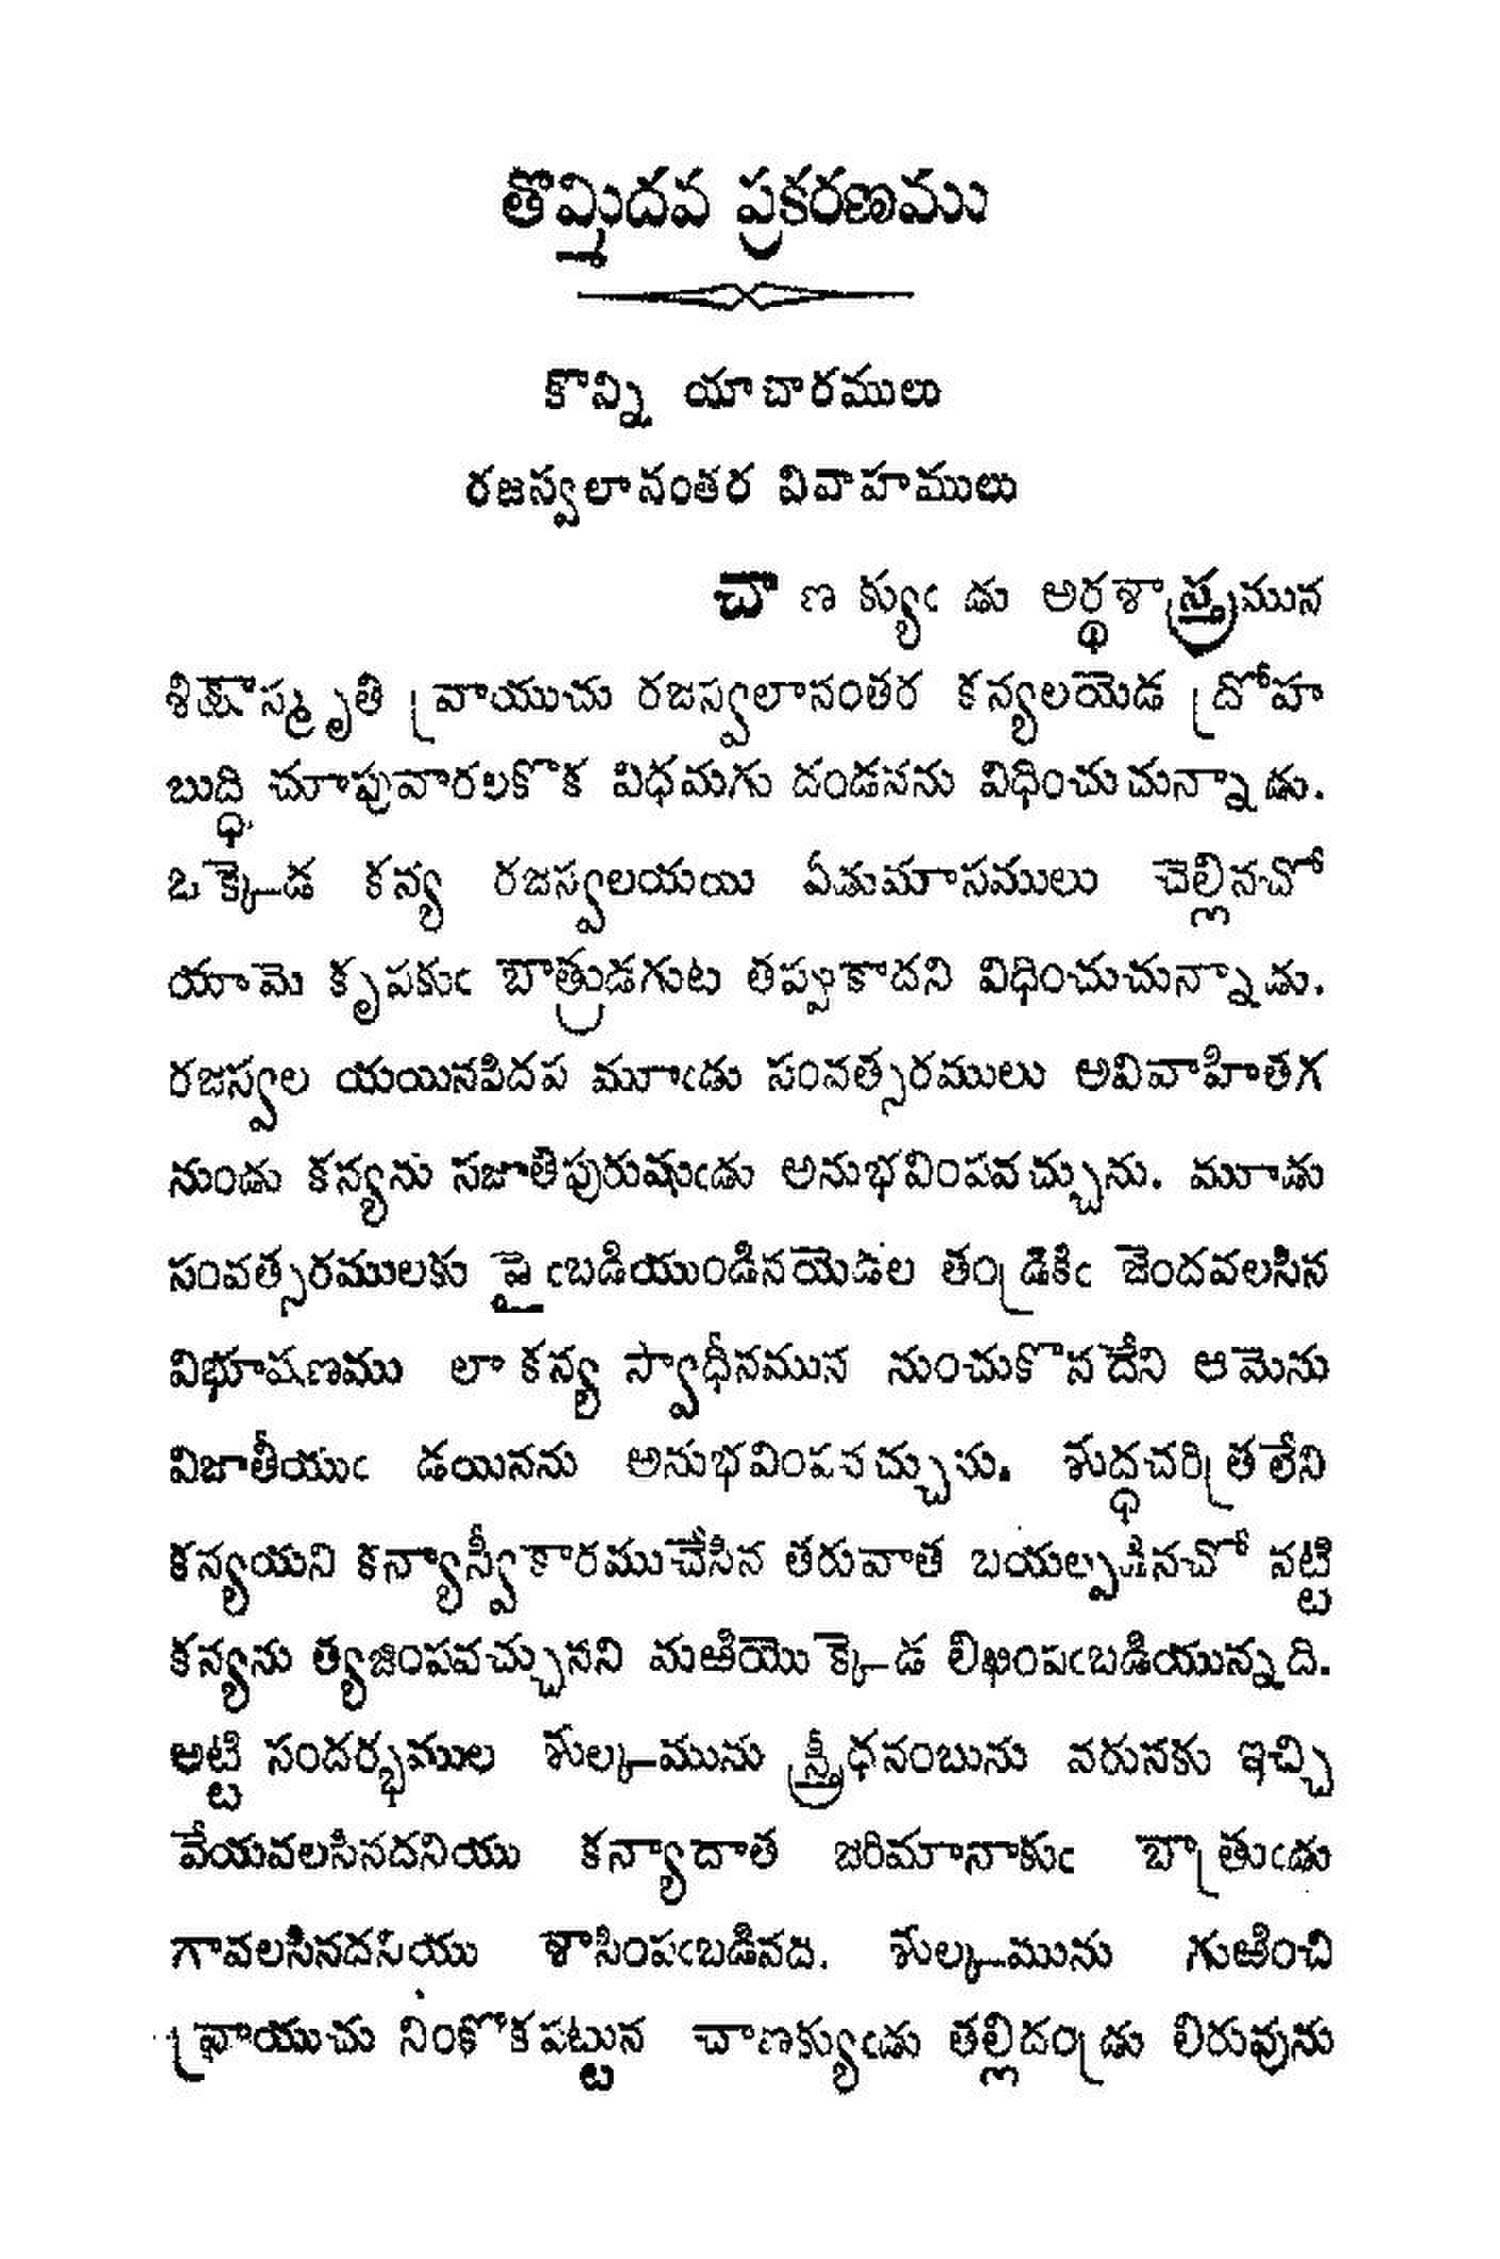తొమ్మిదవ ప్రకరణము

కొన్ని యాచారములు 
రజస్వలానంతర వివాహములు

చాణక్యుఁడు అర్థశాస్త్రమున శిక్షాస్మృతి వ్రాయుచు రజస్వలానంతర కన్యలయెడ ద్రోహబుద్ది చూపువారలకొక విధమగు దండనను విధించుచున్నాడు. ఒక్కెడ కన్య రజస్వలయయి ఏడుమాసములు చెల్లినచో యామె కృపకుఁ బాత్రుడగుట తప్పుకాదని విధించుచున్నాడు. రజస్వల యయినపిదప మూఁడు సంవత్సరములు అవివాహితగ నుండు కన్యను సజాతి పురుషుఁడు అనుభవింపవచ్చును. మూడు సంవత్సరములకు పైఁబడియుండినయెడల తండ్రికిఁ జెందవలసిన విభూషణము లా కన్య స్వాధీనమున నుంచుకొనదేని ఆమెను విజాతీయుఁ డయినను అనుభవింపవచ్చును. శుద్ధచరిత్రలేని కన్యయని కన్యాస్వీకారము చేసిన తరువాత బయల్పడినచో నట్టి కన్యను త్యజింపవచ్చునని మఱియొక్కెడ లిఖింపఁబడియున్నది. అట్టి సందర్భముల శుల్కమును స్త్రీధనంబును వరునకు ఇచ్చి వేయవలసినదనియు కన్యాదాత జరిమానాకుఁ బాత్రుఁడు గావలసినదయు శాసింపఁబడినది. శుల్కమును గుఱించి
వ్రాయుచు నింకొకపట్టున చాణక్యుఁడు తల్లిదండ్రు లిరువును